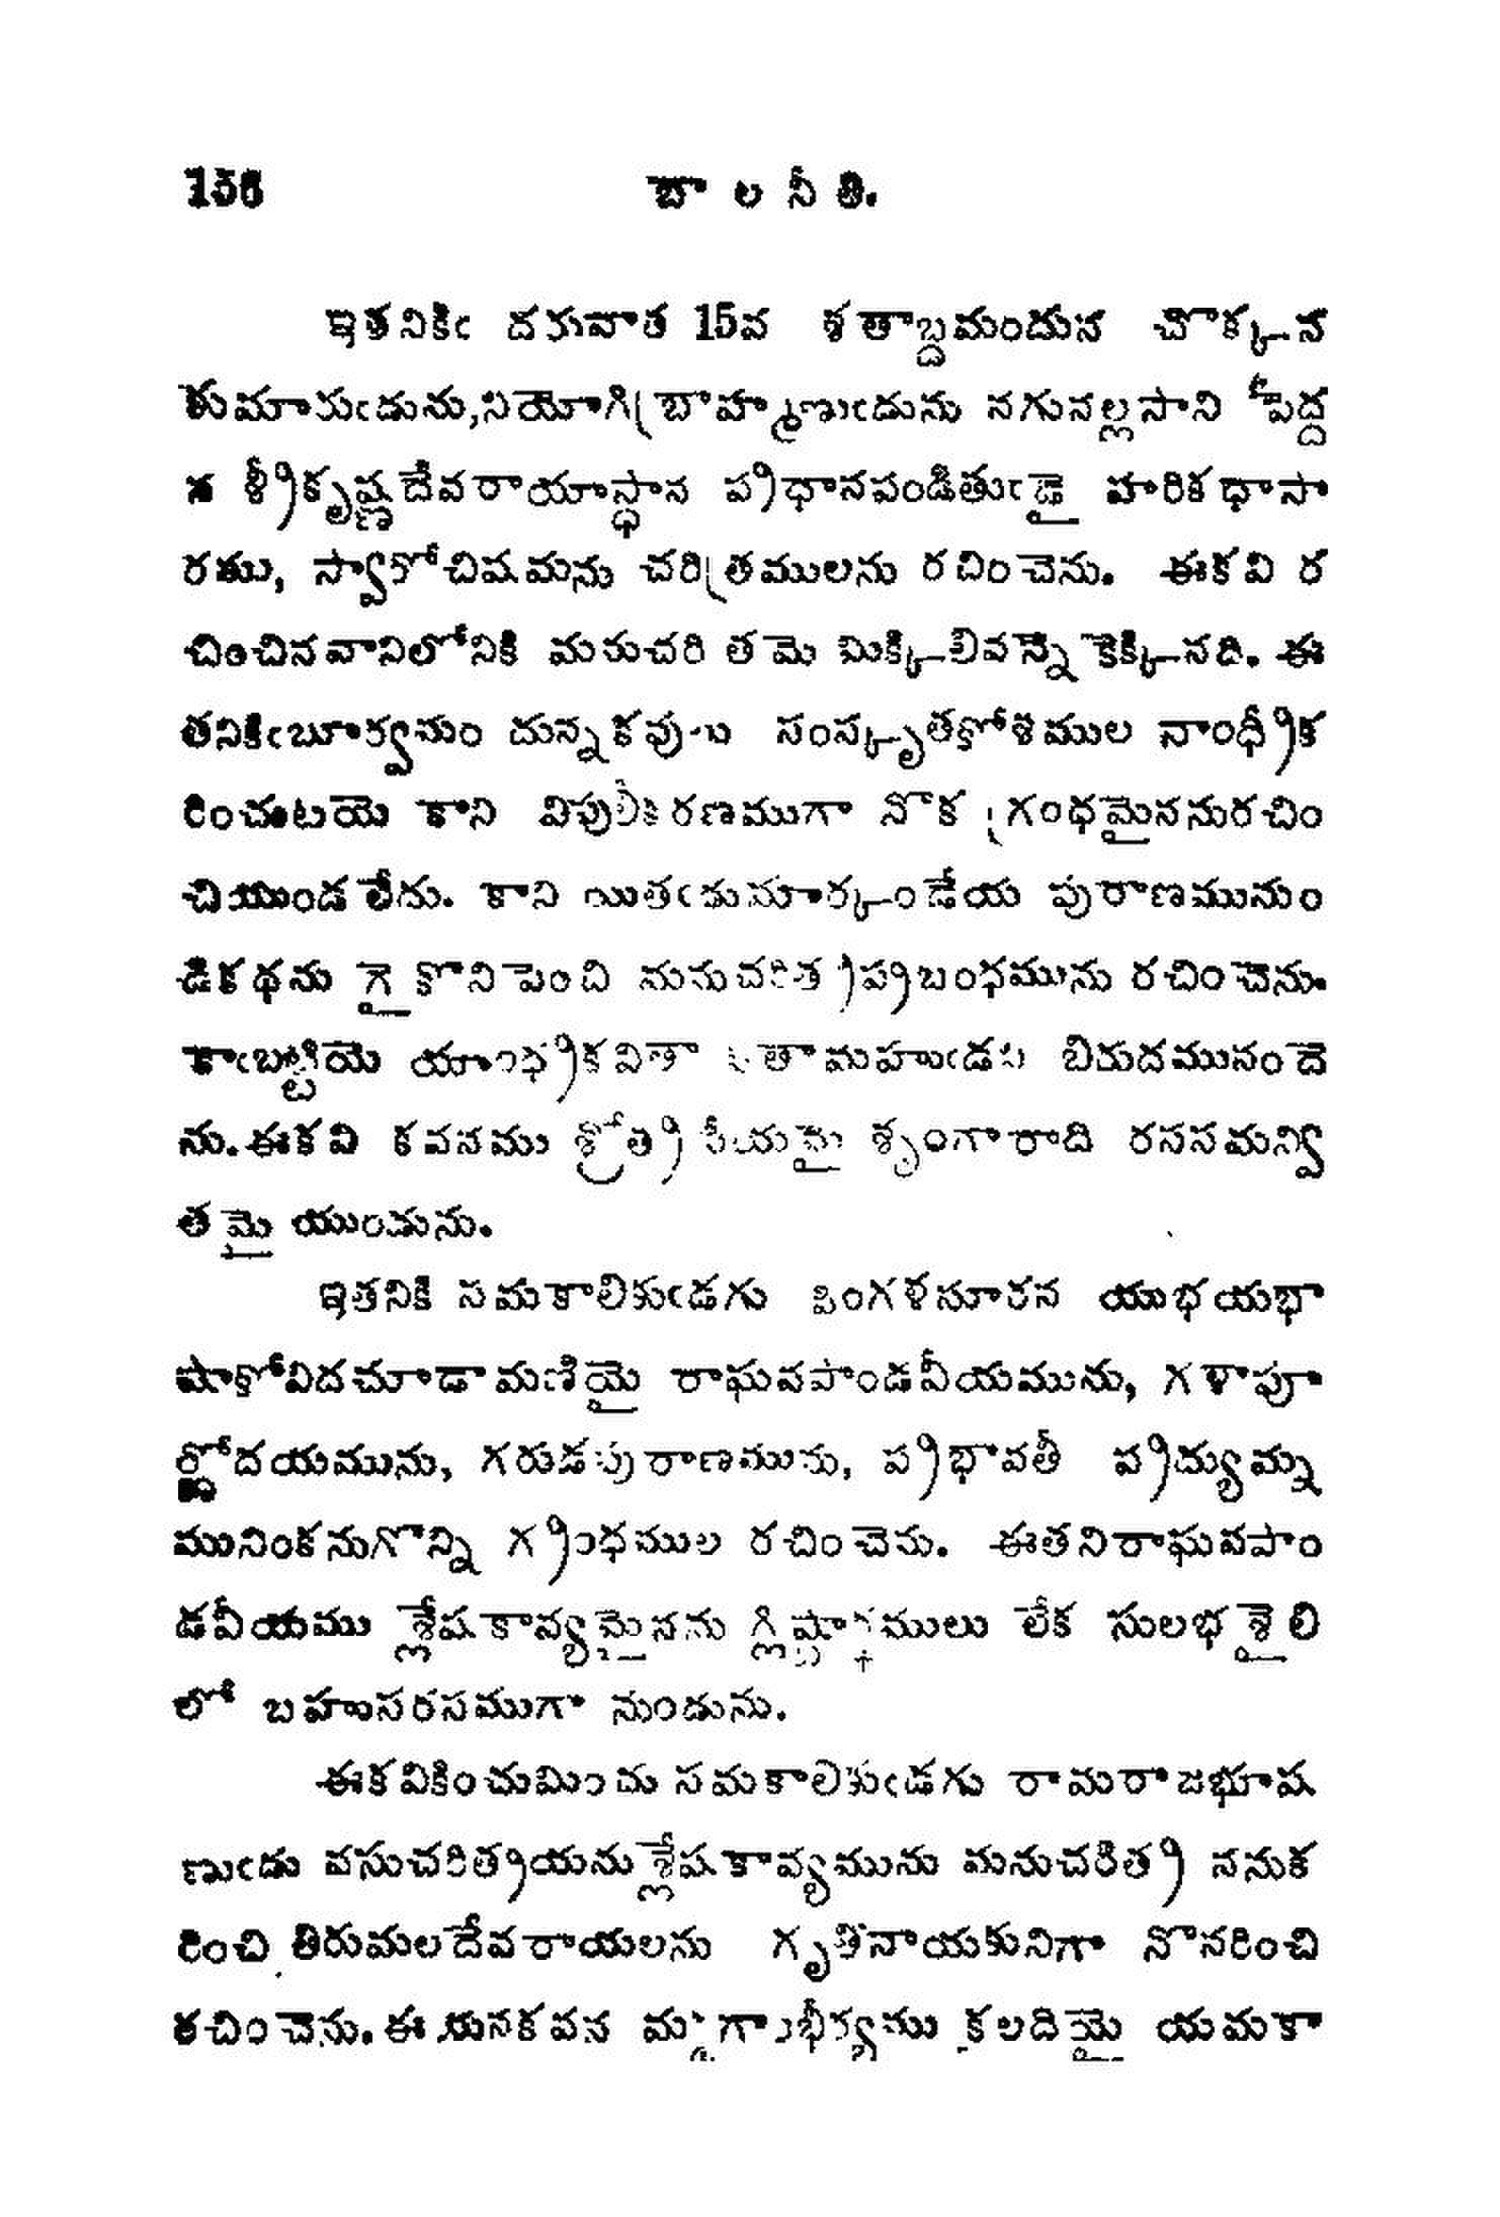ఇతనికిఁ దరువాత 15వ శతాబ్దమందున చొక్కన 
కుమారుఁడును, నియోగిబ్రాహ్మణుఁడును నగునల్లసాని పెద్ద
న శ్రీకృష్ణదేవరాయాస్థాన ప్రధానపండితుఁడై హరికధాసా
రము, స్వారోచిషమను చరిత్రములను రచించెను. ఈకవి ర
చించినవానిలోనికి మనుచరిత్రమె మిక్కిలి వన్నెకెక్కినది. ఈ
తనికిబూర్వమం దున్న కవులు సంస్కృతకోశముల నాంధ్రీక
రించుటయె కాని విపులీకరణముగా నొక గ్రంధమైననురచిం
చియుండలేదు. కాని యితడు మార్కండేయ పురాణమునుం
డికథను గైకొనిపెంచి మనుచరిత్ర ప్రబంధమును రచించెను. 
కాఁబట్టియె యాంధ్రకవితా పితామహుఁడని బిరుదమునందె
ను. ఈకవి కవనము శ్రోత్రనీయమై శృంగారాది రససమన్వి
తమై యుండును.

ఇతనికి సమకాలికుఁడగు పింగళిసూరన యుభయభా
షాకోవిదచూడామణియై రాఘవపాండవీయమును, గళాపూ
ర్ణోదయమును, గరుడపురాణమును, ప్రభావతీ ప్రధ్యుమ్న
మునింకనుగొన్ని గ్రంధముల రచించెను. ఈతనిరాఘవపాం
డవీయము శ్లేష కావ్యమైనను గ్లిష్టార్థములు లేక సులభశైలి
లో బహుసరసముగా నుండును.

ఈకవికించుమించు సమకాలికుఁడగు రామరాజభూష
ణుఁడు వసుచరిత్రయనుశ్లేషకావ్యమును మనుచరిత్ర ననుక
రించి తిరుమలదేవరాయలను గృతినాయకునిగా నొనరించి 
రచించెను. ఈయనకవన మర్థగాంభీర్యము కలదియై యమకా